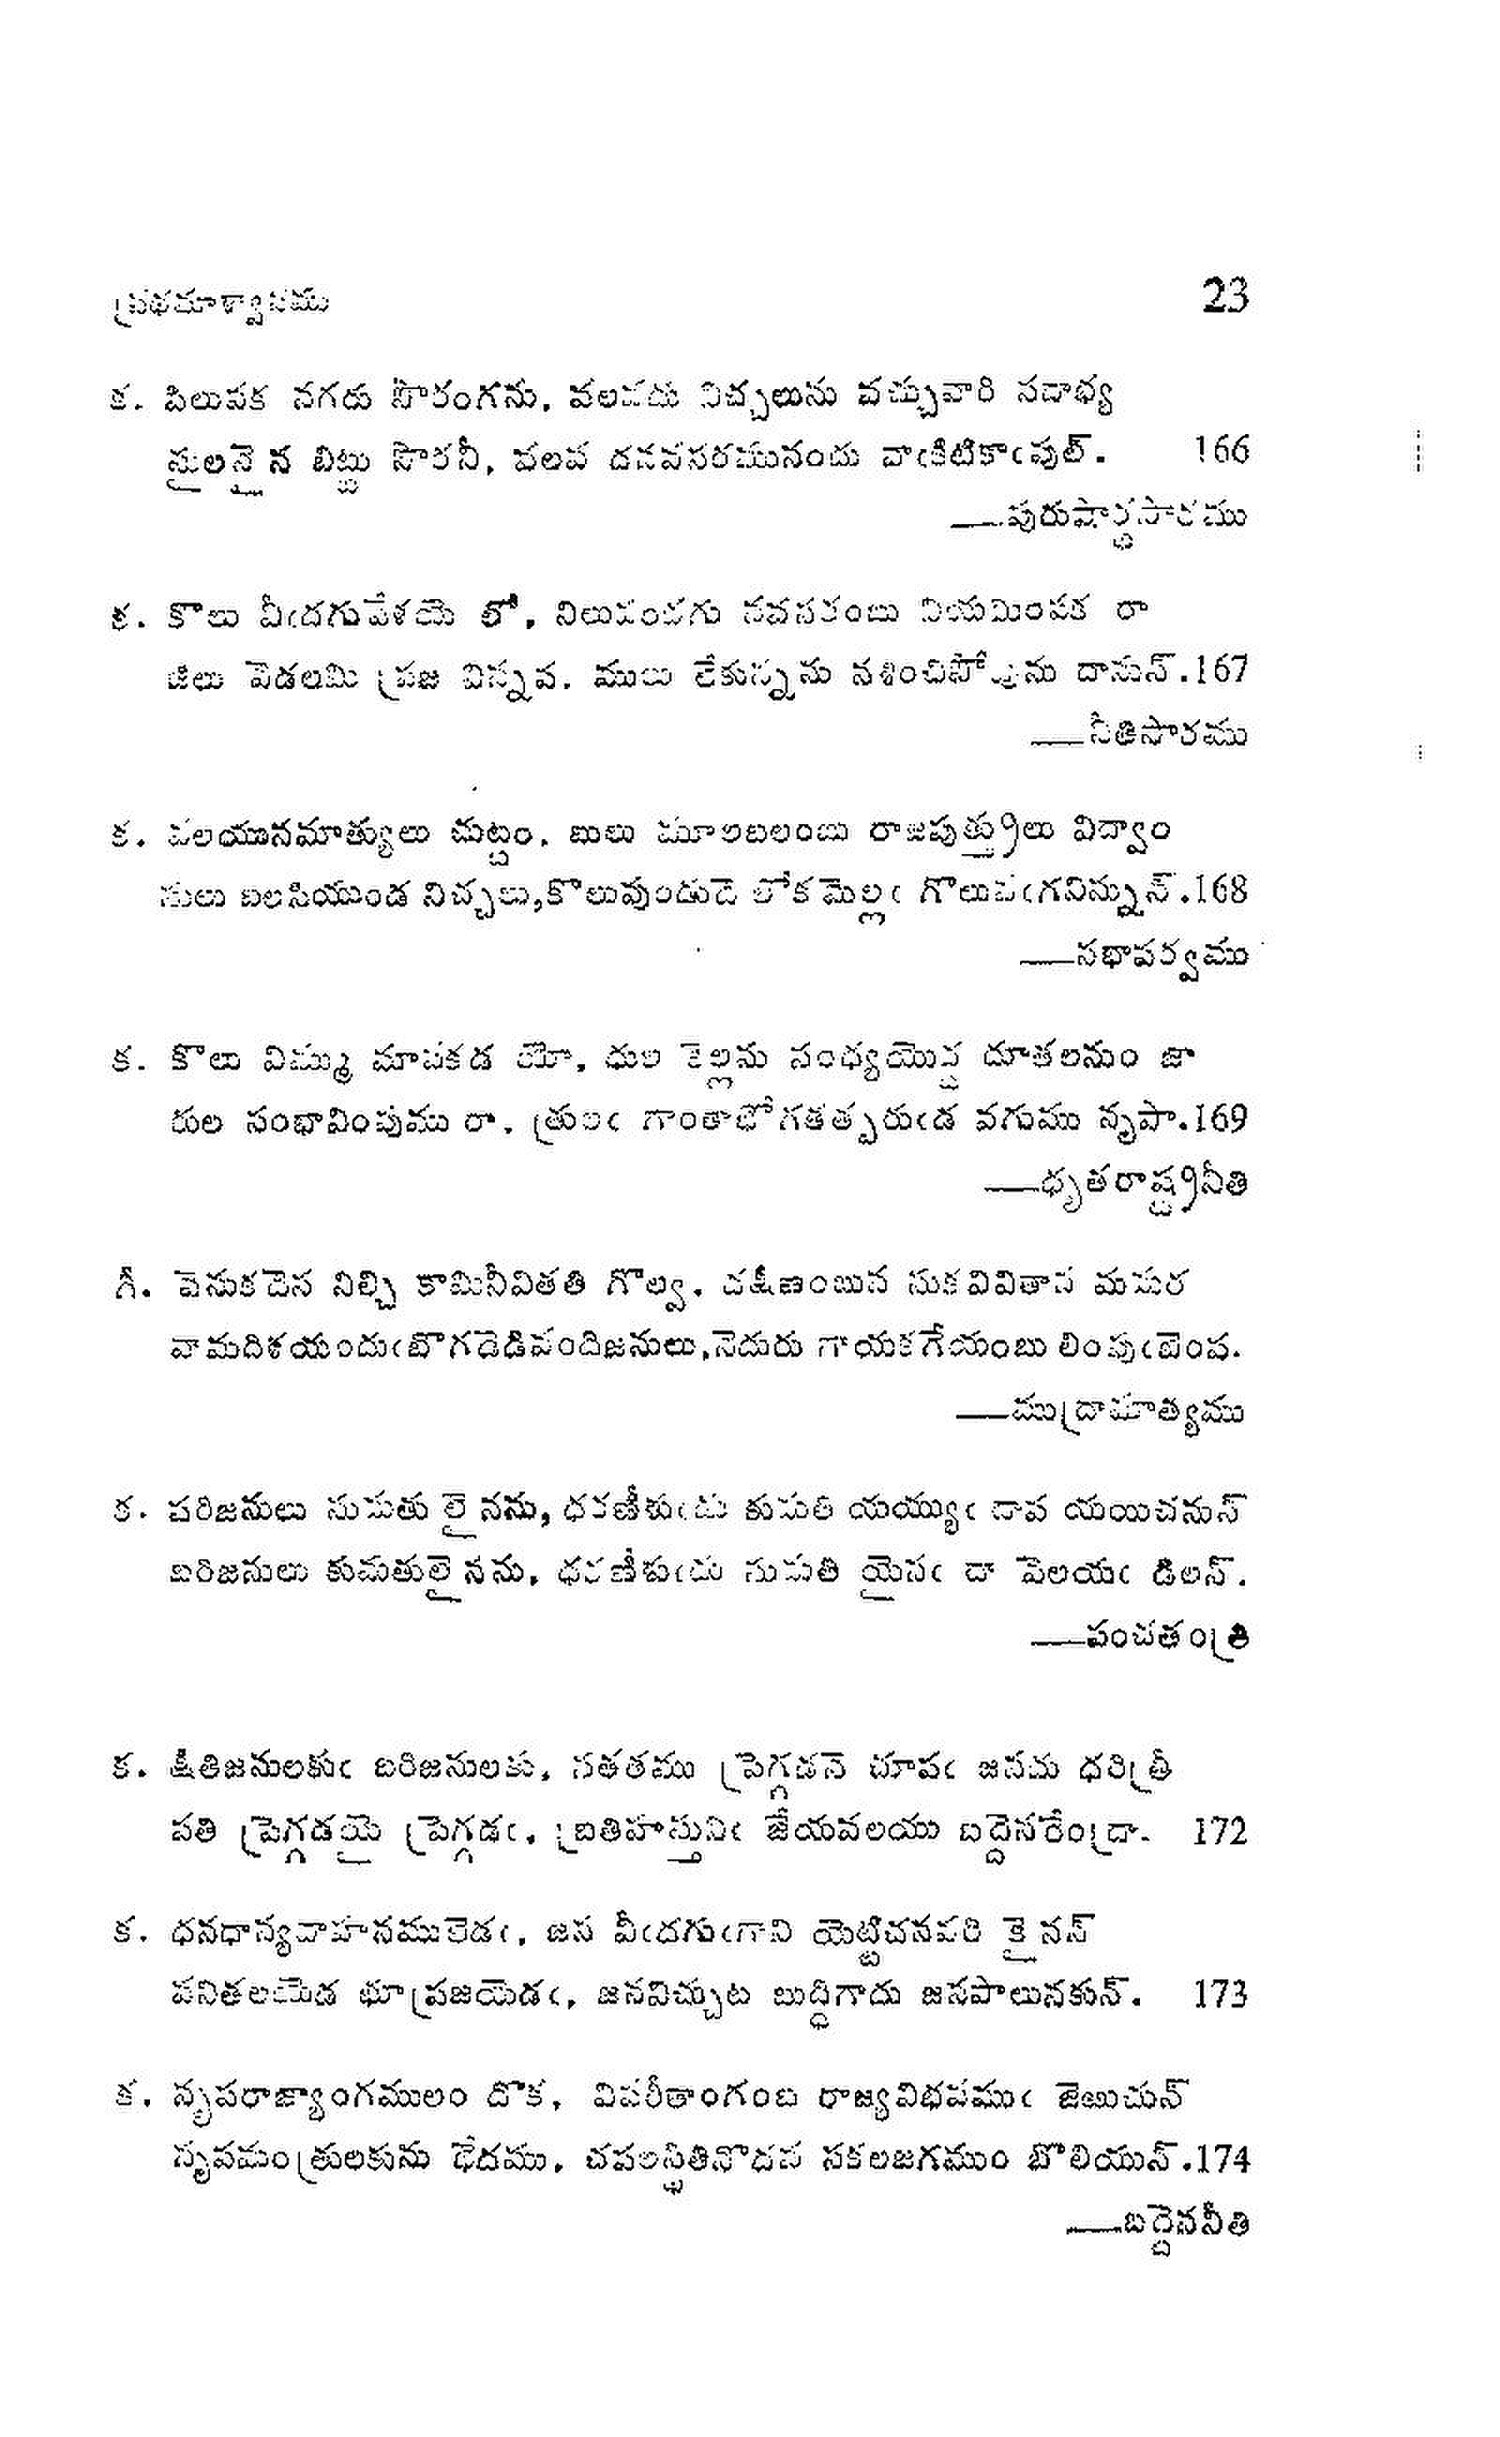క. పిలువక నగరు సొరంగను
వలవదు నిచ్చలును వచ్చువారి సదాభ్య
స్తులనైన బిట్టు సొరనీ
వలవ దనవసరమునందు వాఁకిటికాఁపుల్. 166

క. కొలు వీఁదగువేళయె లో
నిలువందగు నవసరంబు నియమింపక రా
జిలు వెడలమి ప్రజ విన్నప
ములు లేకున్నను నశించిపోవును దానున్. 167

క. వలయునమాత్యులు చుట్టం
బులు మూలబలంబు రాజపుత్త్రులు విద్వాం
సులు బలసియుండ నిచ్చలు
కొలువుండుదె లోకమెల్లఁ గొలువఁగ నిన్నున్. 168

క. కొలు విమ్ము మాపకడ యో
ధుల కెల్లను సంధ్యయొద్ద దూతలనుం జా
రుల సంభావింపుము రా
త్రులఁ గాంతాభోగతత్పరుఁడ వగుము నృపా. 169

గీ. వెనుకదెస నిల్చి కామినీవితతి గొల్వ
దక్షిణంబున సుకవివితాన మమర
వామదిశయందుఁ బొగడెడి వందిజనులు
నెదురు గాయకగేయంబు లింపుఁబెంప. 170

క. పరిజనులు సుమతులైనను
ధరణీశుఁడు కుమతి యయ్యుఁ దాప యయిచనున్
బరిజనులు కుమతులైనను
ధరణీశుఁడు సుమతియైనఁ దా వెలయఁ డిలన్. 171

క. క్షితిజనులకుఁ బరిజనులకు
సతతము ప్రెగ్గడనె చూపఁ జనదు ధరిత్రీ
పతి ప్రెగ్గడయై ప్రెగ్గడఁ
బ్రతిహస్తునిఁ జేయవలయు బద్దెనరేంద్రా. 172

క. ధనధాన్యవాహనములెడఁ
జన వీఁదగుఁగాని యెట్టిచనవరికైనన్
వనితలయెడ భూప్రజయెడఁ
జనవిచ్చుట బుద్ధిగాదు జనపాలునకున్. 173

క. నృపరాజ్యాంగములం దొక
విపరీతాంగంబ రాజ్యవిభవముఁ జెఱుచున్
నృపమంత్రులకును భేదము
చపలస్థితినొదవ సకలజగముం బొలియున్. 174